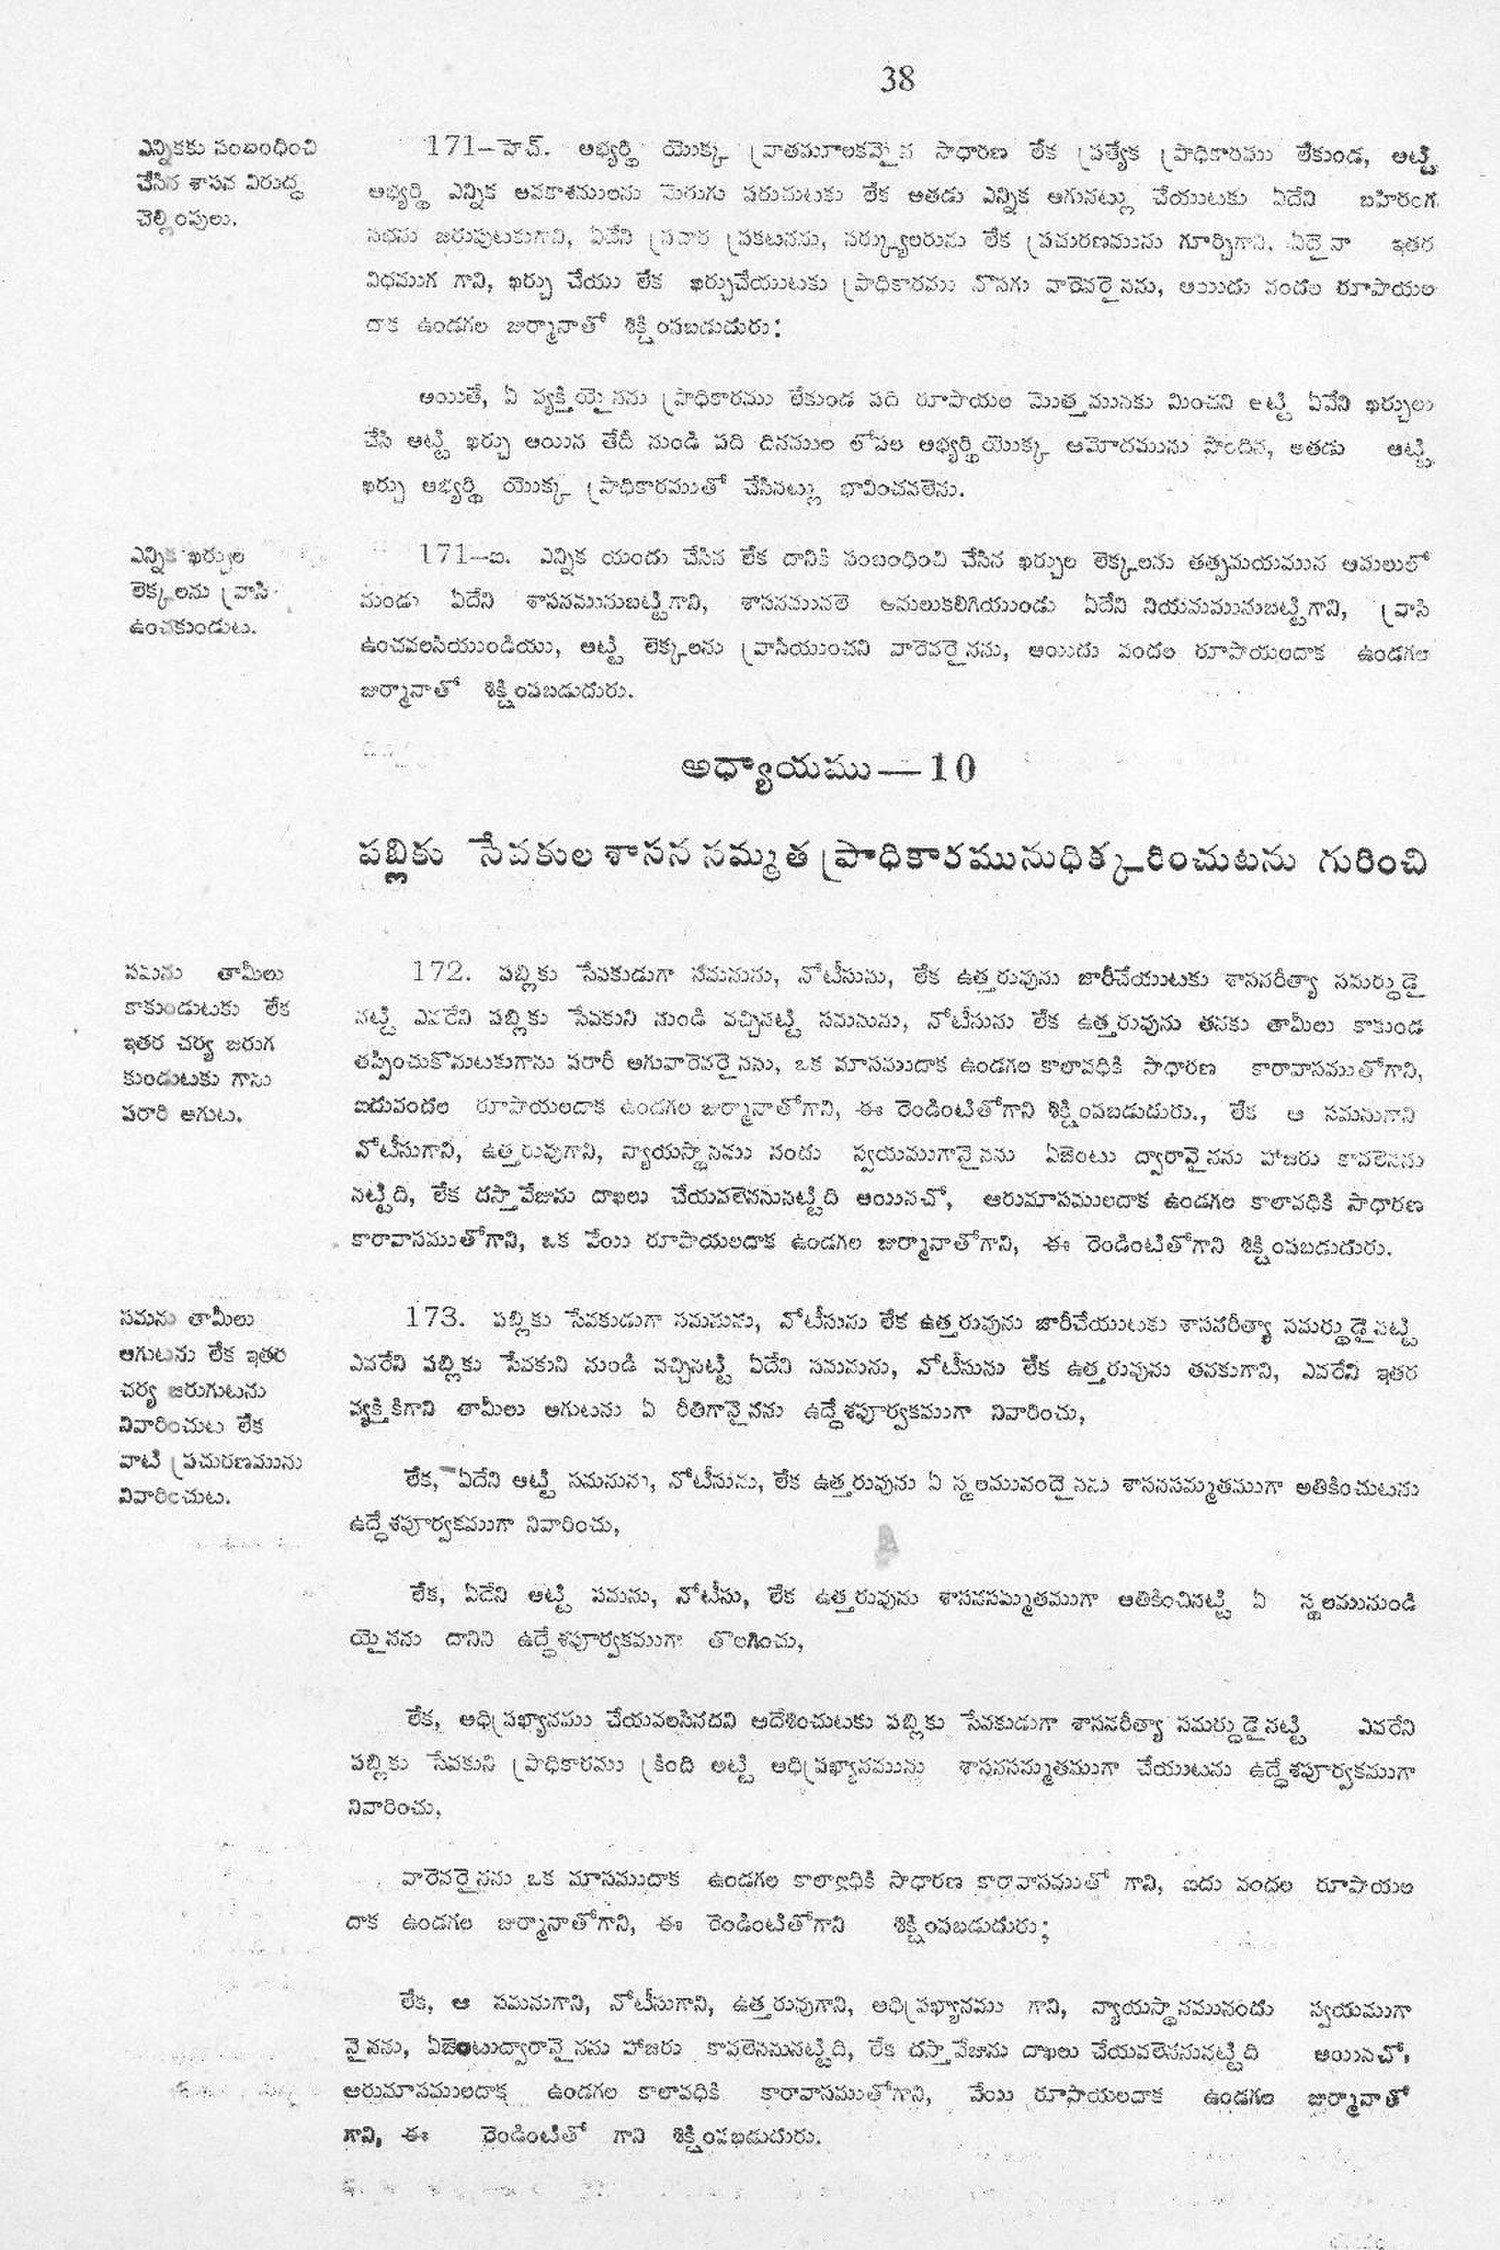ఎన్నికకు సంబంధించి చేసిన శాసన విరుద్ధ చెల్లింపులు.

171- హెచ్. అభ్యర్థి యొక్క వ్రాతమూలకనైన సాధారణ లేక ప్రత్యేక ప్రాధికారము లేకుండ, అట్టి అభ్యర్థి ఎన్నిక అవకాశములను మెరుగు పరుచుటకు లేక అతడు ఎన్నిక ఆగునట్లు చేయుటకు ఏదేని బహిరంగ సభను జరుపుటకుగాని, ఏదేని ప్రసార ప్రకటనను, సర్క్యులరును లేక ప్రచురణమును గూర్చిగాని, ఏదైనా విధముగ గాని, ఖర్చు చేయు లేక ఖర్చుచేయుటకు ప్రాధికారము నొసగు వారెవరైనను, అయిదు వందల రూపాయల దాక ఉండగల జుర్మానాతో శిక్షింపబడుదురు :

అయితే, ఏ వ్యక్తియైనను ప్రాధికారము లేకుండ పది రూపాయల మొత్తమునకు మించని అట్టి ఏవేని ఖర్చులు
చేసి ఆట్టి ఖర్చు అయిన తేదీ నుండి పది దినముల లోపల అభ్యర్థి యొక్క ఆమోదమును పొందిన, అతడు ఆట్టి
ఖర్చు అభ్యర్థి యొక్క ప్రాధికారముతో చేసినట్లు భావించవలెను.

ఎన్నిక ఖర్చులు లెక్కలను వ్రాసి, ఉంచకుండుట.

171-ఐ. ఎన్నిక యందు చేసిన లేక దానికి సంబంధించి చేసిన ఖర్చుల లెక్కలను తత్సమయమున అమలులో
నుండు ఏదేని శాసనమునుబట్టి గాని, శాసనమువలె అమలు కలిగియుండు. ఏదేని నియమమునుబట్టి గాని, వ్రాసి
ఉంచవలసియుండియు, అట్టి లెక్కలను వ్రాసియుంచని వారెవరైనను, అయిదు వందల రూపాయలదాక ఉండగల
జర్మానాతో శిక్షింపబడుదురు.

సమను తామీలు కాకుండుటకు లేక ఇతర చర్య జరుగకుండుటకు గాను పరారి అగుట.

172. పబ్లికు సేవకుడుగా సమనును, నోటీసును, లేక ఉత్తరువును జారీచేయుటకు శాసనరీత్యా సమర్ధుడై నట్టి ఎవరేని పబ్లికు సేవకుని నుండి వచ్చినట్టి సమనును, నోటీసును లేక ఉత్తరువును తనకు తామీలు కాకుండ తప్పించు కొనుటకు గాను పరారీ అగువారెవరైనను, ఒక మాసముదాక ఉండగల కాలావధికి సాధారణ కారావాసముతోగాని,
ఐదువందల రూపాయలదాక ఉండగల జుర్మానాతో గాని, ఈ రెండింటితోగాని శిక్షింపబడుదురు., లేక ఆ సమనుగాని
నోటీసుగాని, ఉత్తరువుగాని, న్యాయస్థానము నందు స్వయముగానై నను. ఏజెంటు ద్వారానైనను హాజరు కావలెనను
నట్టిది, లేక దస్తావేజును దాఖలు చేయవలెనను నట్టిది అయినచో, ఆరుమాసములదాక ఉండగల కాలావధికి సాధారణ కారావాసముతో గాని, ఒక వేయి రూపాయలదాక ఉండగల జూర్మానాతోగాని, ఈ రెండింటితోగాని శిక్షింపబడుదురు.

సమను తామీలు అగుటను లేక ఇతర చర్య జరుగుటను నివారించుట లేక వాటి ప్రచురణమును నివారించుట.

173. పబ్లికు సేవకుడుగా సమనును, నోటీసును లేక ఉత్తరువును జారీచేయుటకు శాసనరీత్యా సమర్థుడై నట్టి ఎవరేని పబ్లికు సేవకుని నుండి వచ్చినట్టి ఏదేని సమనును, నోటీసును లేక ఉత్తరువును తనకుగాని, ఎవరేని ఇతర వ్యక్తి కిగాని తామీలు అగుటను ఏ రీతిగానైనను ఉద్దేశపూర్వకముగా నివారించు,

లేక, "ఏదేని ఆట్టి సమనును, నోటీసును, లేక ఉత్తరువును ఏ స్థలమునందై నను శాసనసమ్మతముగా అతికించుటను
ఉద్దేశపూర్వకముగా నివారించు,

లేక, ఏదేని ఆట్టి సమను, నోటీసు, లేక ఉత్తరువును శాసనసమ్మతముగా అతికించినట్టి ఏ స్థలమునుండి యైనను దానిని ఉద్దేశపూర్వకముగా తొలగించు,

లేక, అధి ప్రఖ్యానము చేయవలసినదని ఆదేశించుటకు పబ్లికు సేవకుడుగా శాసనరీత్యా సమర్థుడైనట్టి ఎవరేని
పబ్లికు సేవకుని ప్రాధికారము క్రింది అట్టి అధి ప్రఖ్యానమును శాసనసమ్మతముగా చేయుటను ఉద్దేశపూర్వకముగా
నివారించు,

వారెవరైనను ఒక మాసముదాక ఉండగల కాలావధికి సాధారణ కారావాసముతో గాని, ఐదు వందల రూపాయల
దాక ఉండగల జుర్మానాతోగాని, ఈ రెండింటితో గాని శిక్షింపబడుదురు;

లేక, ఆ సమనుగాని, నోటీసుగాని, ఉత్తరువుగాని, అధి ప్రఖ్యానము గాని, న్యాయస్థానమునందు స్వయముగా నైనను, ఏజెంటు ద్వారానైనను హాజరు కావలెననునట్టిది, లేక దస్తావేజును దాఖలు చేయవలెననునట్టిది అయినచో,
ఆరుమాసములదాక ఉండగల కాలావధికి కారావాసముతోగాని, వేయి రూపాయలదాక ఉండగల జుర్మానాలో గాని, ఈ రెండింటితో గాని శిక్షింపబడుదురు.